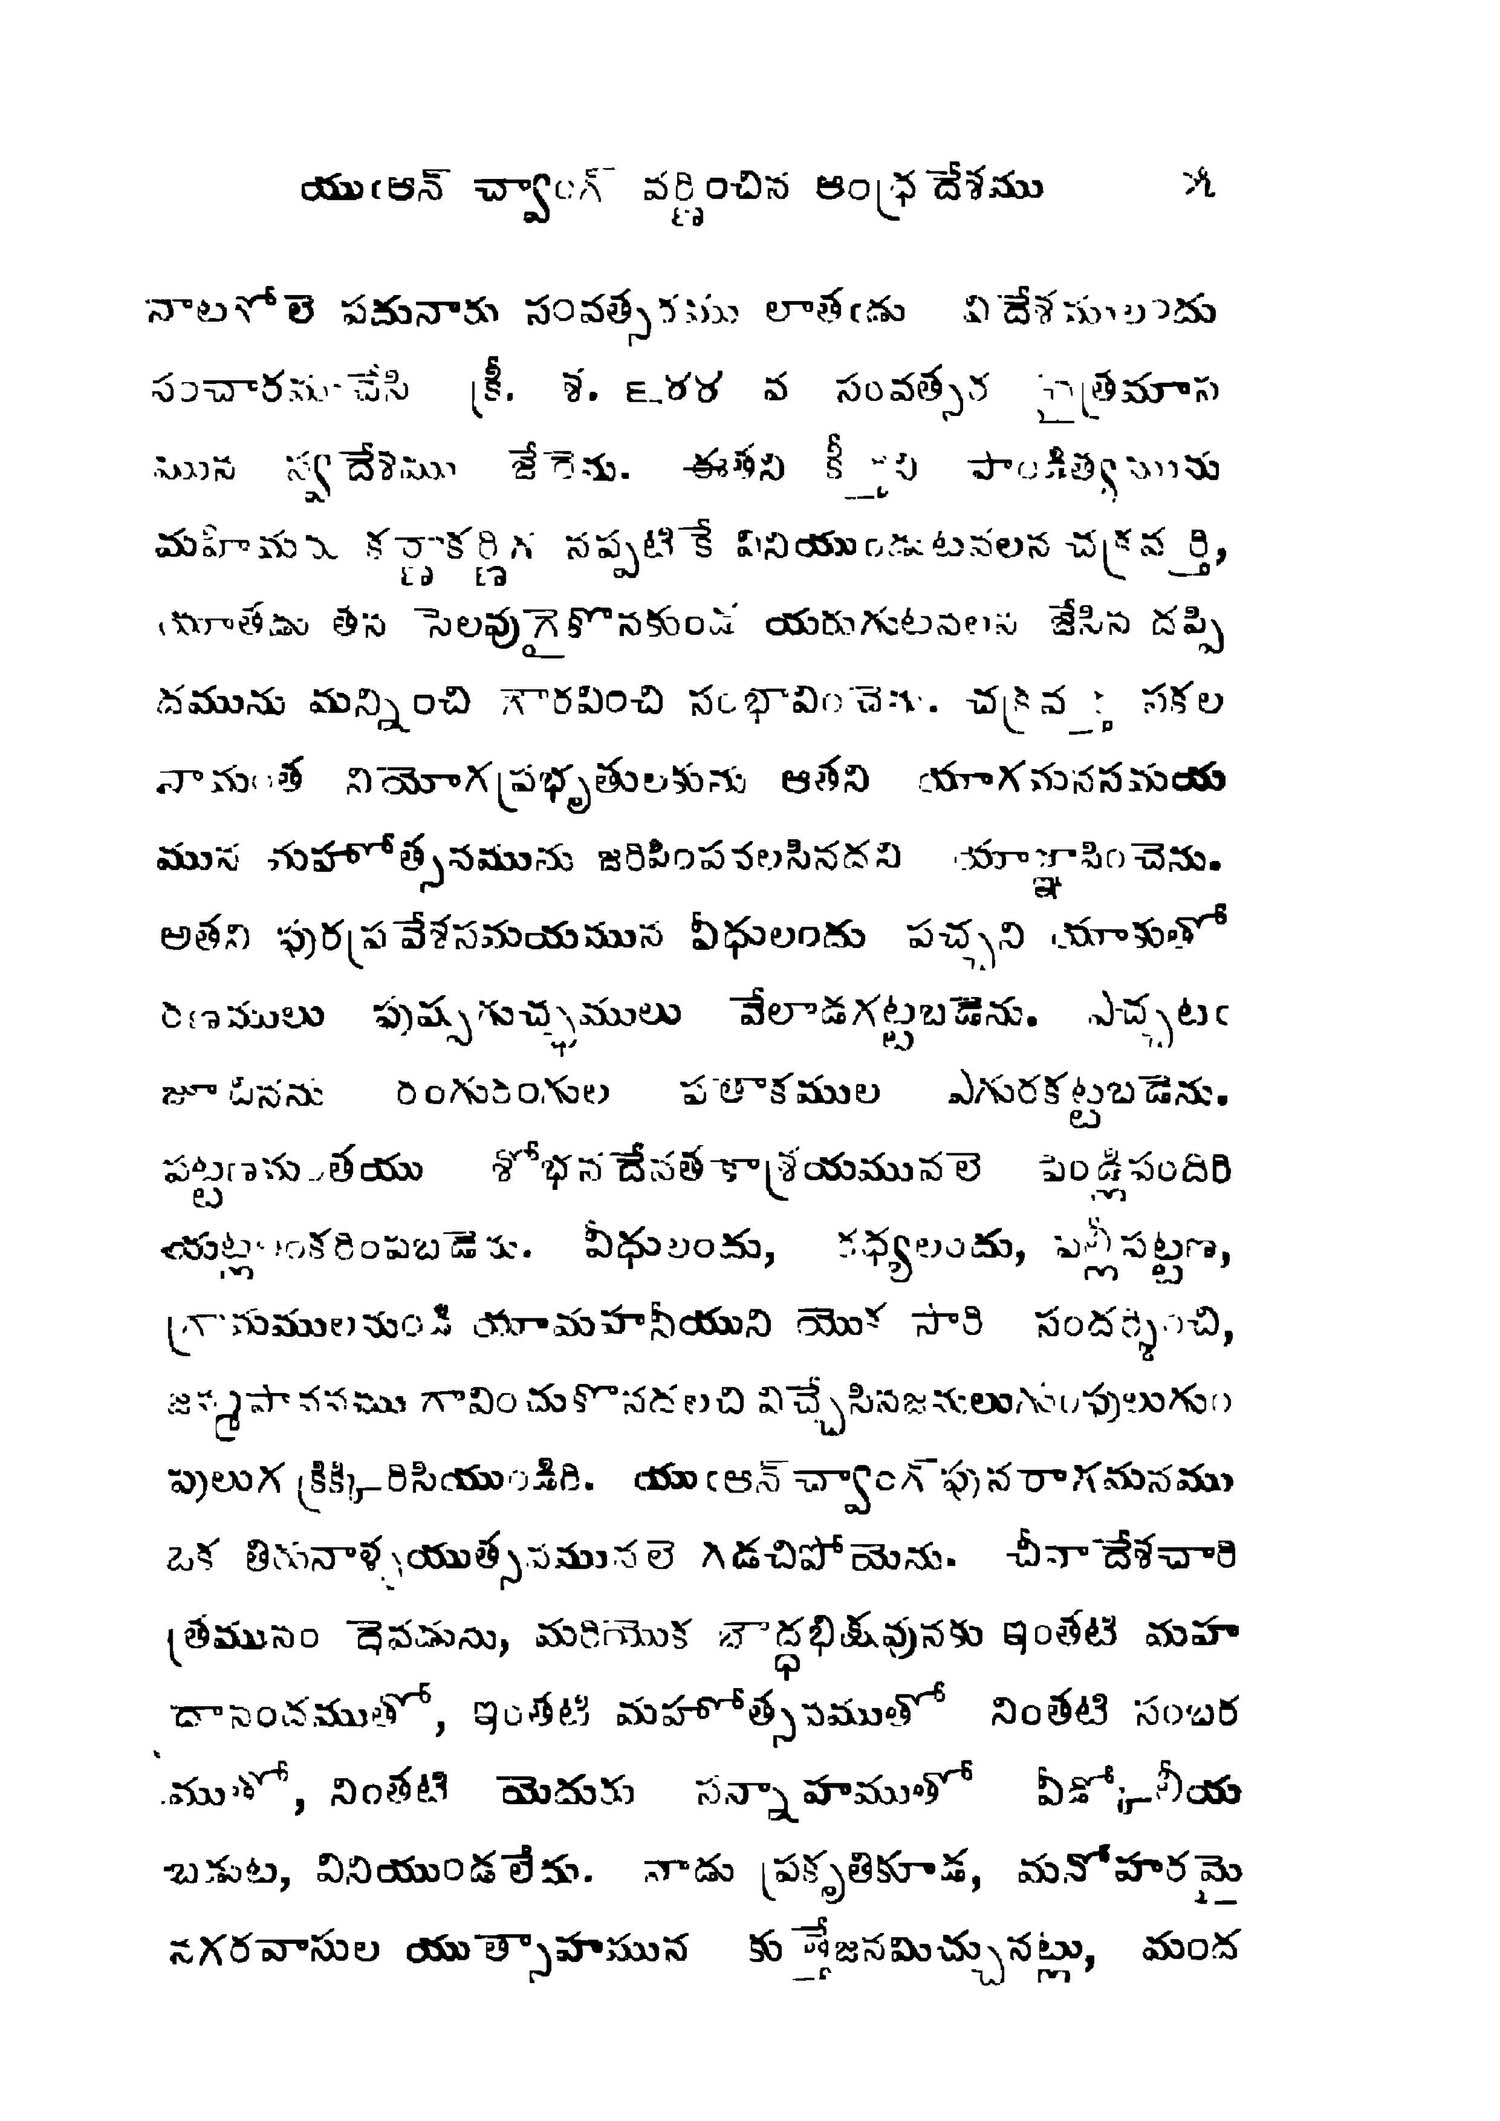నాటగోలె పదునారు సంవత్సరము లాతడు విదేశములందు సంచారముచేసి క్రీ. శ. ౬౪౪ వ సంవత్సర చైత్రమాసమున స్వదేశము జేరెను. ఈతని కీర్తిని పాండిత్యమును మహిమను కర్ణాకర్ణిగ నప్పటికే వినియుండుట వలన చక్రవర్తి, యాతడు తన సెలవుగైకొనకుండ యరుగుటవలన జేసిన దప్పిదమును మన్నించి గౌరవించి సంభావించెను. చక్రవర్తి సకల సామంత నియోగప్రభృతులకును అతని యాగమన సమయమున మహోత్సవమును జరిపింపవలసినదని యాజ్ఞాపించెను. అతని పురప్రవేశ సమయమున వీధులందు పచ్చని యాకుతోరణములు పుష్పగుచ్ఛములు వేలాడగట్టెను. ఎచ్చటఁజూచినను రంగురంగుల పతాకముల ఎగురకట్టబడెను. పట్టణమంతయు శోభనదేవతాకాశ్రయమువలె పెండ్లిపందిరి యట్లలంకరింపబడెను. వీధులందు, రధ్యలందు, పల్లీ పట్టణ, గ్రామముల నుండి యా మహనీయుని యొకసారి సందర్శించి, జన్మపావనము గావించుకొనదలచి విచ్చేసిన జనులు గుంపులు గుంపులుగ క్రిక్కిరిసియుండిరి. యుఁఆన్‌చాంగ్‌ పునరాగమనము ఒక తిరునాళ్ళయుత్సవము వలె గడచిపోయెను. చీనాదేశచారిత్రమునం దెవడును, మరియొక బౌద్ధబిక్షువునకు ఇంతటి మహదానందముతో, ఇంతటి మహోత్సవముతో వీడ్కోలీయబడుట, వినియుండలేదు. నాడు ప్రకృతికూడ, మనోహరమై నగరవాసుల యుత్సా హమున కుత్తేజనమిచ్చునట్లు, మంద